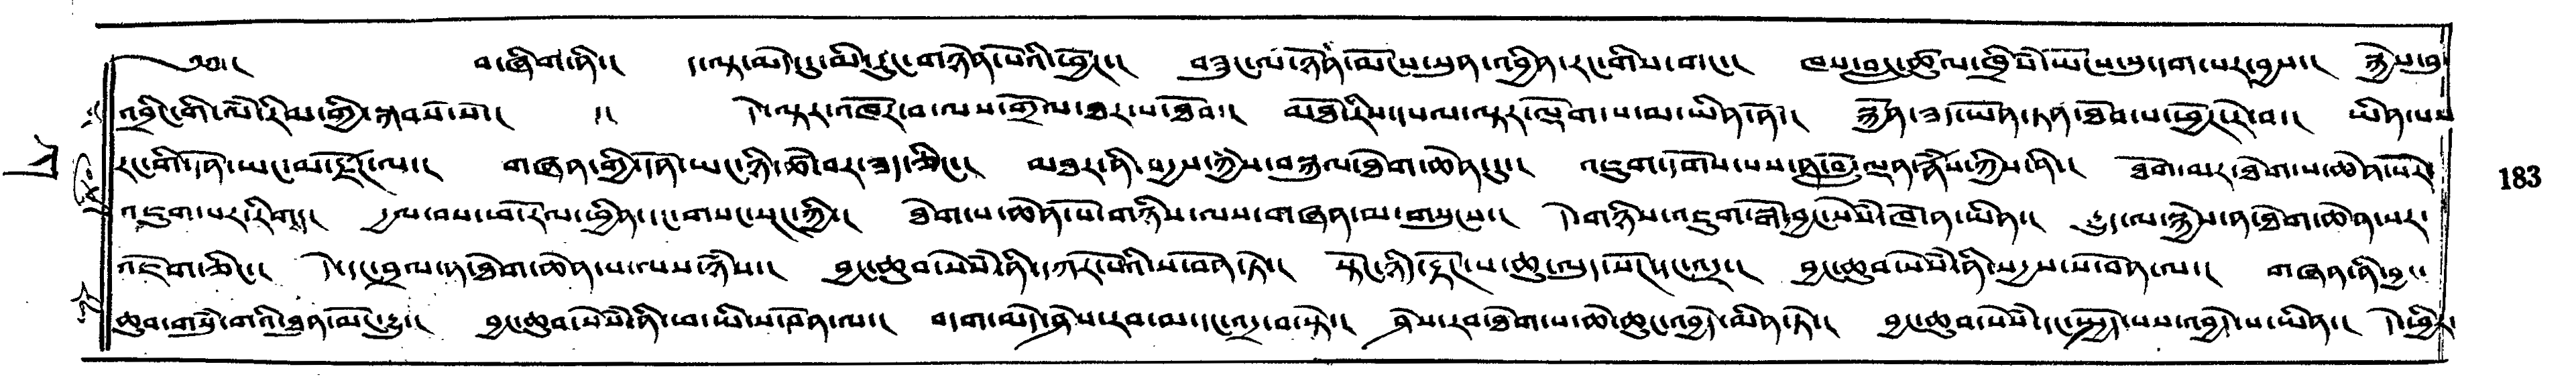བ་ཞིག་ནི། །ད་ལྟ་མེད་དུ་མི་རུང་གཉེན་པོའི་ཕྱོགས། །བཟུང་ལ་ཉོན་མོངས་སུན་འབྱིན་རང་གིས་གང་། །ཁས་བླང་ཚུལ་ཁྲིམས་ཡོངས་སུ་དག་པར་བྱས།།སྐྱེས་བུ་
འབྲིང་གི་ལམ་རིམ་གྱི་སྐབས་སོ། །དེ་ལྟར་འཁོར་བ་ལས་གྲོལ་ཐར་པ་ཐོབ། །མཐོ་རིས་དཔལ་ལྟར་ལྡོག་པ་མ་ཡིན་ནོ། །སྐྱོན་ཟད་ཡོན་ཏན་ཐོབ་པ་ཕྱོགས་རེ་བ། །ཡིན་པ་
རང་གི་དོན་ཡང་མ་རྫོགས་ལ། །གཞན་གྱི་དོན་ཡང་ཉི་ཚེ་བར་ཟད་ཅིང་། །མཐར་ནི་སངས་རྒྱས་ཀྱིས་བསྐུལ་ཐེག་ཆེན་དུ། །འཇུག་དགོས་པས་ན་བློ་ལྡན་རྣམས་ཀྱིས་ནི། །ཐོག་མར་ཐེག་པ་ཆེན་པོར་
འཇུག་པར་རིགས། །རྒྱལ་བས་ཕ་རོལ་ཕྱིན་དང་གསང་སྔགས་ཀྱི། །ཐེག་པ་ཆེན་པོ་གཉིས་ལས་གཞན་མ་གསུངས། །དེ་གཉིས་འཇུག་སྒོ་བྱང་སེམས་ཁོ་ན་ཡིན། །རྒྱུད་ལ་སྐྱེས་ན་ཐེག་ཆེན་སར་
འཇོག་ཅིང་། །དེ་དང་བྲལ་ན་ཐེག་ཆེན་པ་ལས་ཉམས། །བྱང་ཆུབ་སེམས་ནི་དཀར་པོའི་ས་བོན་ཏེ། །སྟོང་ཉིད་རྟོགས་པ་ཆུ་ལུད་སོགས་དང་འདྲ། །བྱང་ཆུབ་སེམས་ནི་སངས་རྒྱས་ས་བོན་ལ། །གཞན་ནི་བྱང་
ཆུབ་གསུམ་གའི་ཐུན་མོང་རྒྱུ། །བྱང་ཆུབ་སེམས་ནི་ཕ་ཡི་ས་བོན་ལ། །བདག་མེད་ཤེས་རབ་མ་དང་འདྲ་བ་སྟེ། །ཤེས་རབ་ཐེག་པ་ཆེ་ཆུང་འབྱེད་མིན་ཏེ། །བྱང་ཆུབ་སེམས་དང་སྤྱོད་པས་འབྱེད་པ་ཡིན། །དེ་ཕྱིར་